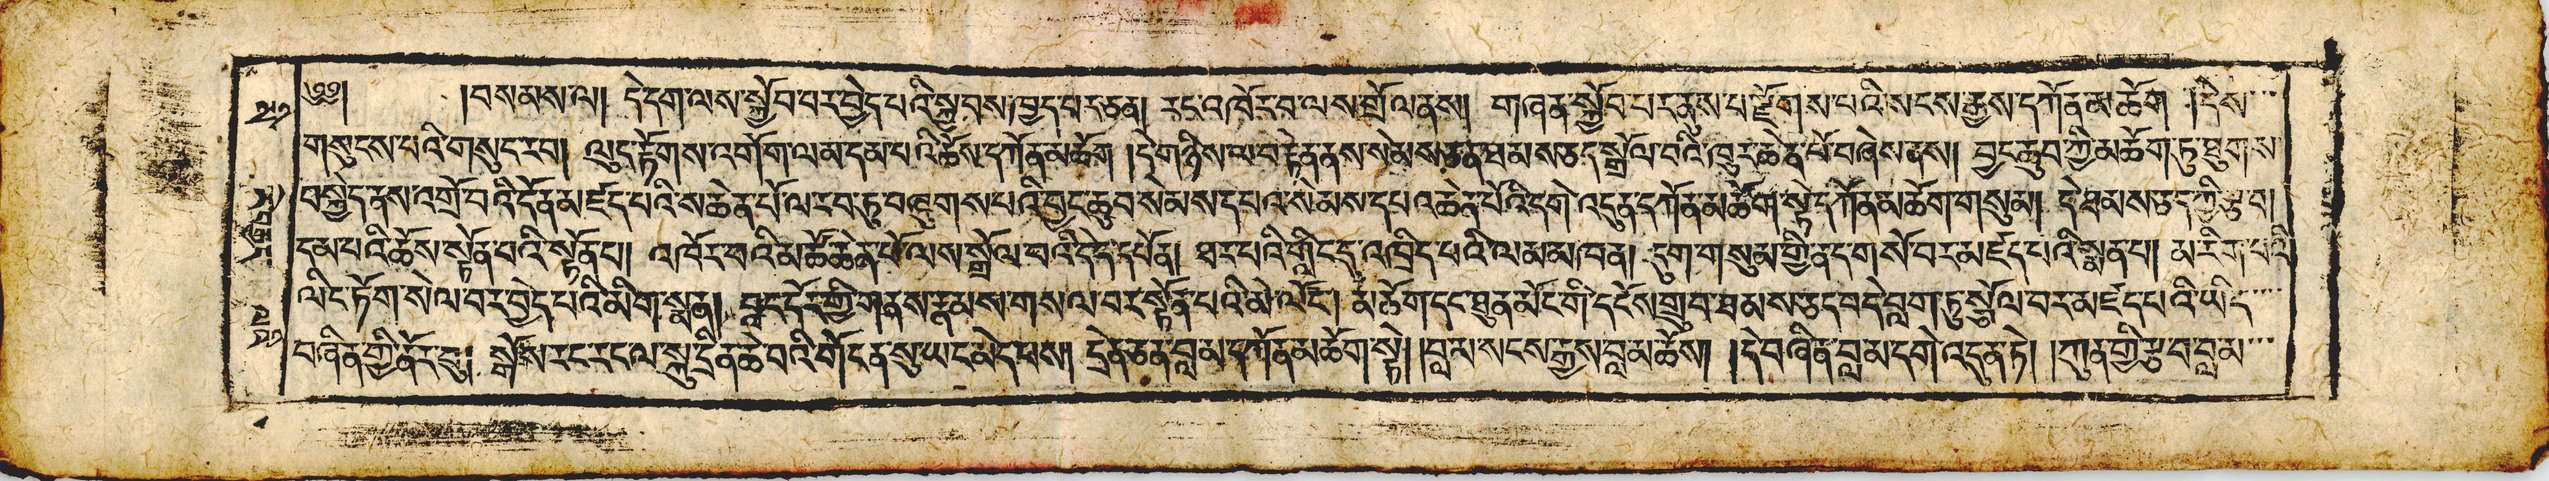བསམས་ལ། དེ་དག་ལས་སྐྱོབ་པར་བྱེད་པའི་སྐྱབས་ཁྱད་པར་ཅན། རང་འཁོར་བ་ལས་གྲོལ་ནས། གཞན་སྐྱོབ་པར་ནུས་པ་རྫོགས་པའི་སངས་རྒྱས་དཀོན་མཆོག །དེས་
གསུངས་པའི་གསུང་རབ། ལུང་རྟོགས་འགོག་ལམ་དམ་པའི་ཆོས་དཀོན་མཆོག །དེ་གཉིས་ལ་བརྟེན་ནས་སེམས་ཐམས་ཅད་སྒྲོལ་བའི་ཁུར་ཆེན་པོ་བཞེས་ནས། བྱང་ཆུབ་ཀྱི་མཆོག་ཏུ་ཐུགས་
བསྐྱིད་ནས་འགྲོ་བའི་དོན་མཛད་པའི་ས་ཆེན་པོ་ལ་རབ་ཏུ་བཞུགས་པའི་བྱང་ཆུབ་སེམས་དཔའ་སེམས་དཔའ་ཆེན་པོའི་དགེ་འདུན་དཀོན་མཆོག་སྟེ་དཀོན་མཆོག་གསུམ། དེ་ཐམས་ཅད་ཀྱི་ལྟ་བ།
དམ་པའི་ཆོས་སྟོན་པའི་སྟོན་པ། འཁོར་བའི་མཚོ་ཆེན་པོ་ལས་སྒྲོལ་བའི་དེད་དཔཔོན། ཐར་པའི་གླིང་དུ་འཁྲིད་པའི་ལམ་མཁན། དུག་གསུམ་གྱི་ནད་གསོ་བར་མཛད་པའི་སྨན་པ། མ་རིག་པའི་
ལིང་ཏོག་སེལ་བར་བྱེད་པའི་མིག་སྨན། བླང་དོར་གྱི་གནས་རྣམས་གསལ་བར་སྟོན་པའི་མེ་ལོང་། མཆོག་དང་ཐུནམོ་ང་གི་དངོས་གྲུབ་ཐམས་ཅད་བདེ་བླག་ཏུ་སྩོལ་བར་མཛད་པའི་ཡིད་
བཞིན་གྱི་ནོར་བུ། སྒོས་རང་རང་ལ་སྐུ་དྲིན་ཆེ་བའི་གོང་ན་སུ་ཡང་མེད་པས། དྲིན་ཅན་བླ་མ་དཀོན་མཆོག་སྟེ། །བླ་མ་སངས་རྒྱས་བླ་མ་ཆོས། །དེ་བཞིན་བླ་མ་དགེ་འདུན་ཏེ། །ཀུན་གྱི་རྩ་བ་བླ་མ་